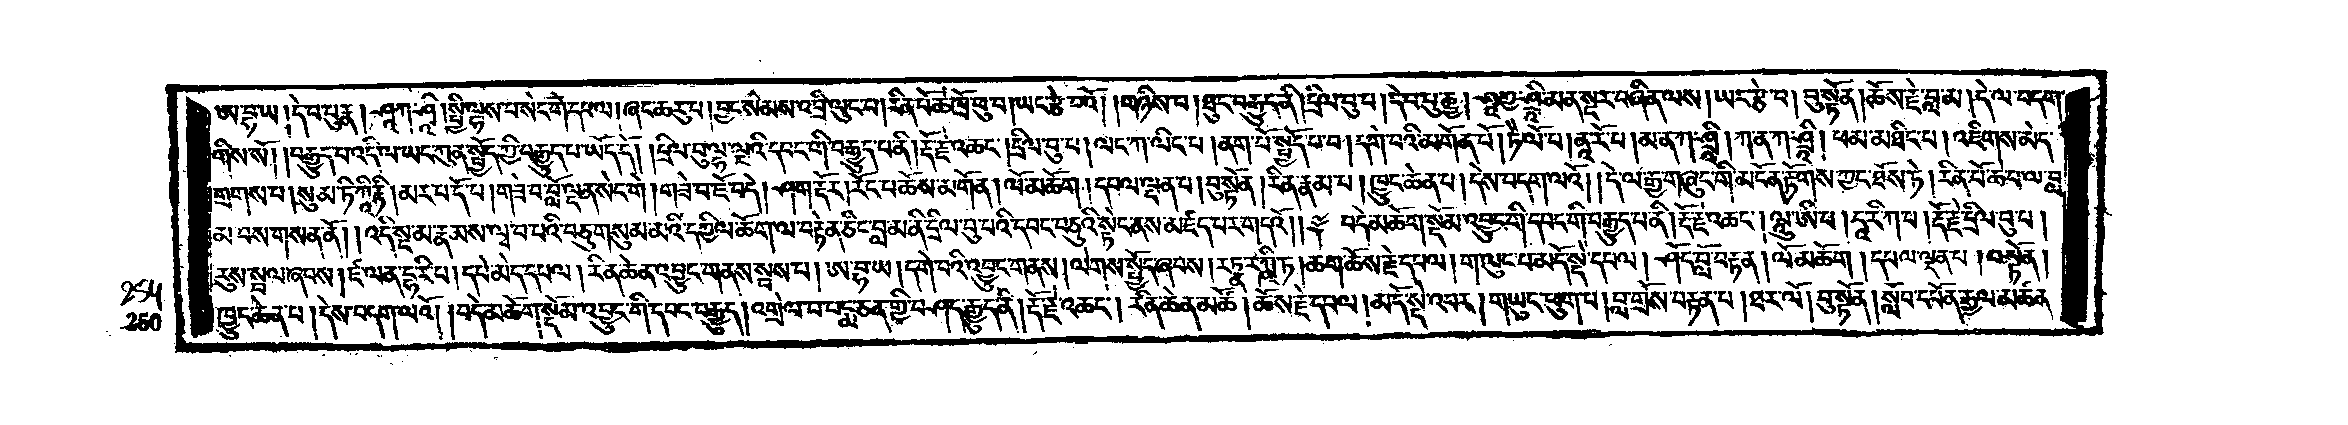ཨ་བྷ་ཡ། དེ་བ་པུརྣ། ཤྰྐ་ཤྲཱི། སྤྱི་ལྷས་པ་སེང་གེ་དཔལ། ཞང་ཆ་རུ་པ། བྱང་སེམས་འབྲི་ལུང་པ། རིན་པོ་ཆེ་ཁྲོ་ཕུ་བ། ཡང་རྩེ་བའོ། །གཉིས་པ། ཐུང་བརྒྱུད་ནི། དྲིལ་བུ་པ། དེ་བ་པུ་ཎྱ། ཤཱཀྱ་ཤྲཱི་མན་སྔར་བཞིན་ལས། ཡང་རྩེ། བ། བུ་སྟོན། ཆོས་རྗེ་བླ་མ། དེ་ལ་བདག་
གིས་སོ། །བརྒྱུད་པ་འདི་ལ་ཡང་ཀུན་སྤྱོད་ཀྱི་བརྒྱུད་པ་ཡོད་དོ། །དྲིལ་བུ་ལྷ་ལྔའི་དབང་གི་བརྒྱུད་པ་ནི། རྡོ་རྗེ་འཆང་དྲིལ་བུ་པ། ལང་ཀ་ལིང་པ། ནག་པོ་སྤྱོད་པ་བ། དགེ་བའི་མགོན་པོ། ཏཻ་ལོ་པ། ནཱ་རོ་པ། མ་ན་ཀ་ཤྲཱི། ཀ་ན་ཀ་ཤྲཱི། ཕམ་མཐིང་པ། འཇིགས་མེད་
གྲགས་པ་།སུམ་ཏི་ཀཱི་རྟི་།མར་པ་དོ་པ་།གཟེ་བ་བློ་ལྡན་སེང་གེ །གཟེ་བ་ཇོ་བདེ་།ཤག་རྡོར། རོང་པ་ཆོས་མགོན་།ལོ་མཆོག །དཔལ་ལྡན་པ། བུ་སྟོན། རིན་རྣམ་པ། ཁྱུང་ཆེན་པ། དེས་བདག་ལའོ། །དེ་ལ་རྒྱ་གཞུང་གི་མངོན་རྟོགས་ཀྱང་ཐོས་ཏེ། རིན་པོ་ཆེ་པ་ལ་བླ་
མ་བས་གསན་ནོ། །འདི་སྔ་མ་རྣམས་ལྭ་བ་པའི་བཅུ་གསུམ་མའི་དཀྱིལ་ཆོག་ལ་བརྟེན་ཅིང་བླ་མ་ནི་དྲིལ་བུ་པའི་དབང་བཅུའི་སྟེང་ནས་མཛད་པར་གདའོ། །བདེ་མཆོག་སྡོམ་འབྱུང་གི་དབང་གི་བརྒྱུད་པ་ནི། རྡོ་རྗེ་འཆང་། ལའུ་ཨི་པ། དྷ་རི་ཀ་པ། རྡོ་རྗེ་ཨོདྲིལ་བུ་པ།
རུས་སྦལ་ཞབས། ཛ་ལན་དྷ་རི་པ། དཔེ་མེད་དཔལ། རིན་ཆེན་འབྱུང་གནས་སྦས་པ། ཨ་བྷ་ཡ། དགེ་བའི་འབྱུང་གནས། ལེགས་སྤྱོད་ཞབས། རཏྣ་རཀྵི་ཏ། ཆག་ཆོས་རྗེ་དཔལ། ག་ལུང་པ་མདོ་སྡེ་དཔལ། ཤོང་བློ་བརྟན། ལོ་མཆོག །དཔལ་ལྡན་པ། བསྟོན།
ཁྱུང་ཆེན་པ། དེས་བདག་ལའོ། །བདེ་མཆོག་སྡོམ་འབྱུང་གི་དབང་བརྒྱུད། འགྲེལ་བ་པདམ་ཅན་གྱི་བཤད་རྒྱུད་ནི། རྡོ་རྗེ་འཆང་། རིན་ཆེན་མཚོ། ཆོས་རྗེ་དཔལ། མདོ་སྡེ་འབར། གྱུང་ཕུག་པ། བླ་གྲོས་བརྟན་པ། ཐར་ལོ། །བུ་སྟོན། སློབ་དཔོན་རྒྱལ་མཚན་